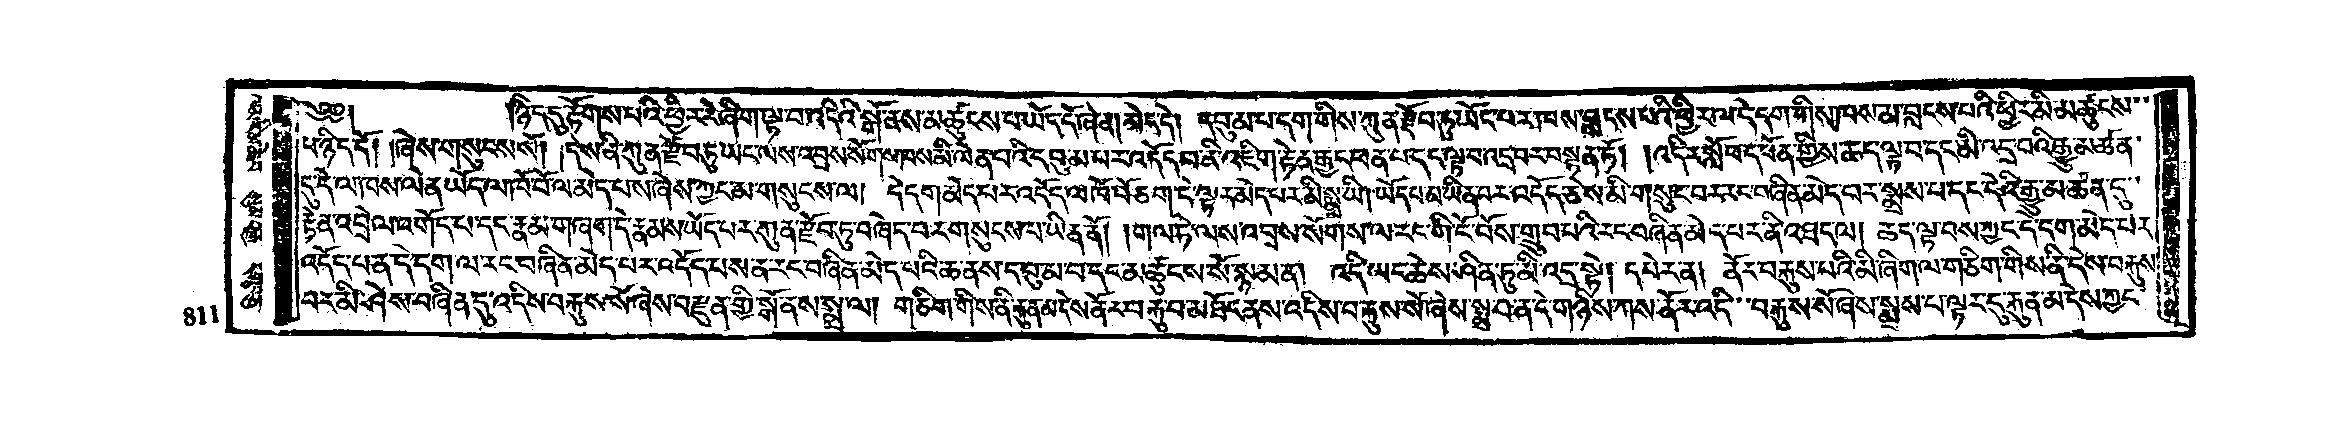༄༅། །ཉིད་དུ་རྟོགས་པའི་ཕྱིར་རེ་ཞིག་ལྟ་བ་འདིའི་སྒོ་ནས་མཚུངས་པ་ཡོད་དོ་ཞེ་ན། མེད་དེ། དབུ་མ་པ་དག་གིས་ཀུན་རྫོབ་ཏུ་ཡོད་པར་ཁས་བླངས་པའི་ཕྱིར་ལ་དེ་དག་གིས་ཁས་མ་བླངས་པའི་ཕྱིར་མི་མཚུངས་
པ་ཉིད་དོ། །ཞེས་གསུངས་སོ། །དེས་ནི་ཀུན་རྫོབ་ཏུ་ཡང་ལས་འབྲས་སོགས་ཁས་མི་ལེན་པའི་དབུ་མ་པར་འདོད་པ་ནི་འཇིག་རྟེན་རྒྱང་ཕན་པ་དང་ལྟ་བ་འདྲ་བར་བསྟན་ཏོ། །འདིར་སློབ་དཔོན་གྱིས་ཆད་ལྟ་བ་དང་མི་འདྲ་བའི་རྒྱུ་མཚན་
དུ་དེ་ལ་ཁས་ལེན་ཡོད་ལ་ཁོ་བོ་ལ་མེད་པས་ཞེས་ཀྱང་མ་གསུངས་ལ། དེ་དག་མེད་པར་འདོད་ལ་ཁོ་བོ་ཅག་དེ་ལྟར་མེད་པར་མི་སྨྲ་ཡི། ཡོད་པ་མ་ཡིན་པར་འདོད་ཅེས་མི་གསུང་བར་རང་བཞིན་མེད་པར་སྨྲས་པ་དང་དེའི་རྒྱུ་མཚན་དུ་
རྟེན་འབྲེལ་འགོད་པ་དང་རྣམ་གཞག་དེ་རྣམས་ཡོད་པར་ཀུན་རྫོབ་ཏུ་བཞེད་པར་གསུངས་པ་ཡིན་ནོ། །གལ་ཏེ་ལས་འབྲས་སོགས་ལ་རང་གི་ངོ་བོས་གྲུབ་པའི་རང་བཞིན་མེད་པར་ནི་འཐད་ལ། ཆད་ལྟ་བས་ཀྱང་དེ་དག་མེད་པར་
འདོད་པ་ན་དེ་དག་ལ་རང་བཞིན་མེད་པར་འདོད་པས་ན་རང་བཞིན་མེད་པའི་ཆ་ནས་དབུ་མ་པ་དང་མཚུངས་སོ་སྙམ་ན། འདི་ཡང་ཆེས་ཤིན་ཏུ་མི་འདྲ་སྟེ། དཔེར་ན། ནོར་བརྐུས་པའི་མི་ཞིག་ལ་གཅིག་གིས་ནི་དེས་བརྐུས་
པར་མི་ཤེས་བཞིན་དུ་འདིས་བརྐུས་སོ་ཞེས་བརྫུན་གྱི་སྒོ་ནས་སྨྲ་ལ། གཅིག་གིས་ནི་རྐུན་མ་དེས་ནོར་བརྐུ་བ་མཐོང་ནས་འདིས་བརྐུས་སོ་ཞེས་སྨྲ་བ་ན་དེ་གཉིས་ཀས་ནོར་འདི་བརྐུས་སོ་ཞེས་སྨྲས་པ་ལྟར་དུ་རྐུན་མ་དེས་ཀྱང་